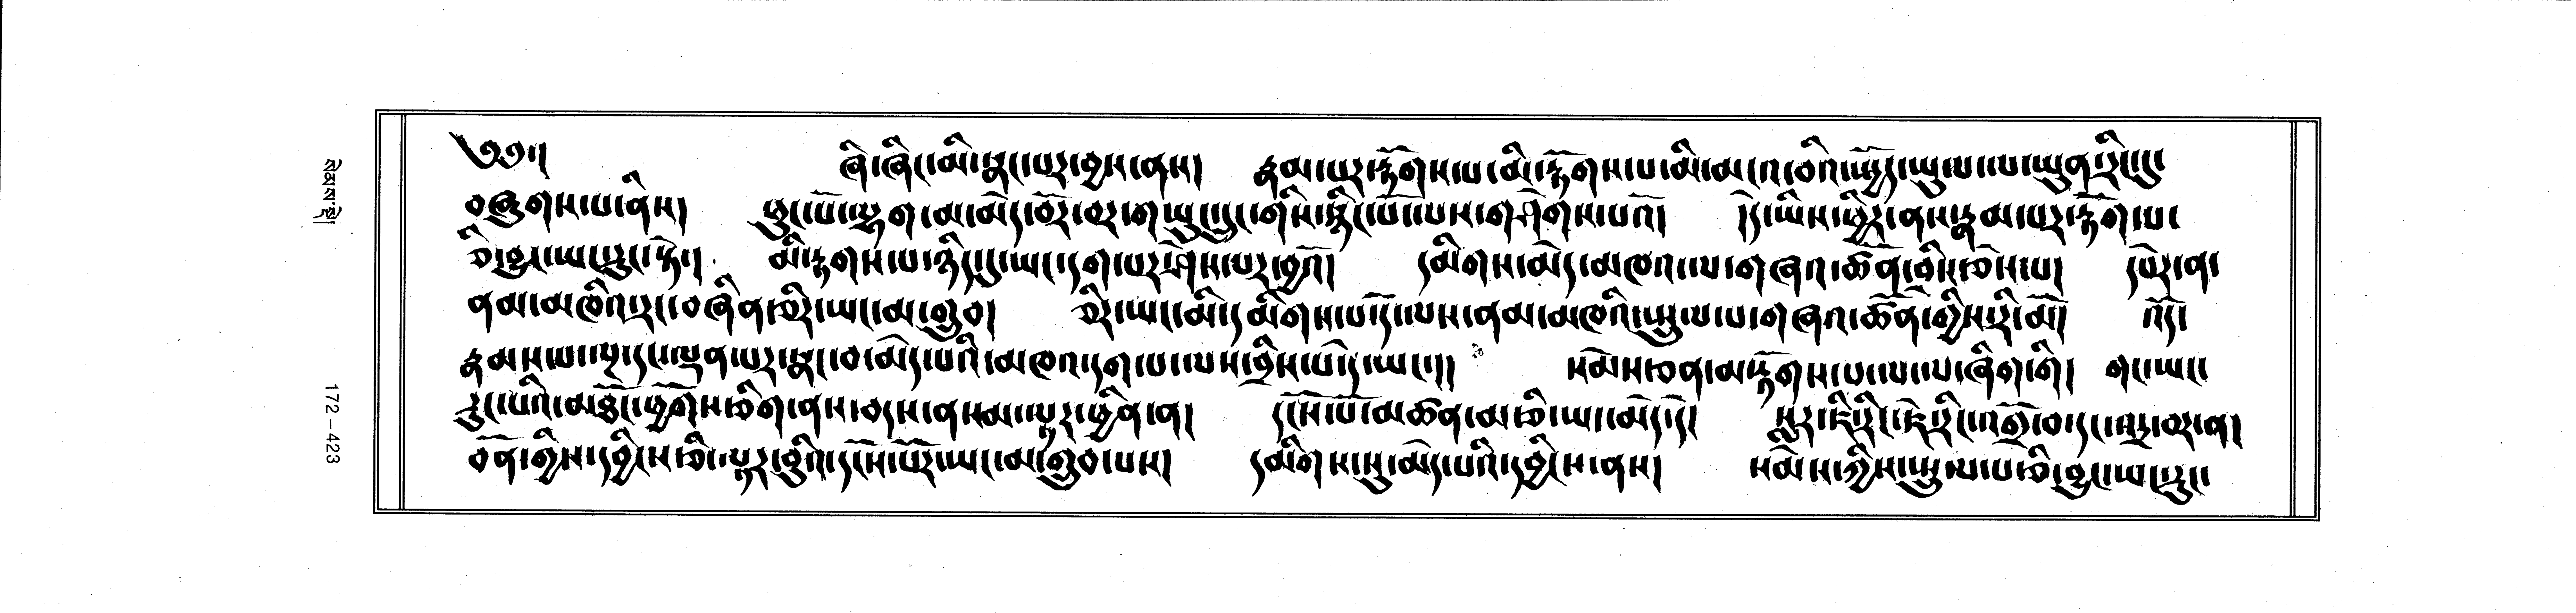ཞི་ཞིང་མི་སྣང་པར་བྱས་ནས། རྣམ་པར་རྟོག་པ་མི་རྟོག་པ་མི་མངའ་བའི་སྤྱོད་ཡུལ་ལ་ཡུན་རིང་དུ་
བཞུགས་པ་ནིས། ཕུང་པོ་ལྷག་མ་མེད་བོར་བར་གཡུང་དྲུང་གིས་སྙིང་པོ་ལས་གཤེགས་པའོ། དེ་ཡིས་ཕྱིར་ནས་རྣམ་པར་རྟོགས་པ་
ཅི་བྱུང་ཡང་རུང་སྟེ། མི་རྟག་པ་ཉིད་དུ་ཡང་དག་པར་ཤེས་པར་བྱའོ། དམིགས་མེད་མཁའ་ལ་གཞའ་ཚོན་བྲིས་ཅེས་པ། དཔེར་ན་
ནམ་མཁའི་རང་བཞིན་ཅིར་ཡང་མ་གྲུབ། ཅིར་ཡང་མི་དམིགས་པ་དེ་ལས་ནམ་མཁའི་སྤྲུལ་པ་གཞའ་ཚོན་གྱིས་རི་མོ། འོད་
རྣམ་པ་ལྔ་དང་ལྡན་པར་སྣང་བ་མེད་པའི་མཁའ་དག་པ་ལས་བྲིས་པ་དེ་ཡང་། སེམས་ཅན་མ་རྟོགས་པ་ལ་ལ་ཞིག་གི། གང་ཡང་
རུང་པའི་མཐོང་ཕྱོགས་ཅིག་ནས་བདས་ནས་མ་ལྟར་ཕྱིན་ན། དངོས་པོ་མཚན་མ་ཅི་ཡང་མེད་དེ། སླར་ཇི་རིང་ཇེ་རིང་འགྲོ་བ་དང་འདྲ་བར་ན། 
བོན་གྱིས་དབྱིངས་ཅི་ལྟར་བུའི་དངོས་པོར་ཡང་མ་གྲུབ་པས། དམིགས་སུ་མེད་པའི་དབྱིངས་ནས། སེམས་ཀྱིས་སྤྲུལ་པ་ཅི་བྱུང་ཡང་རུང་